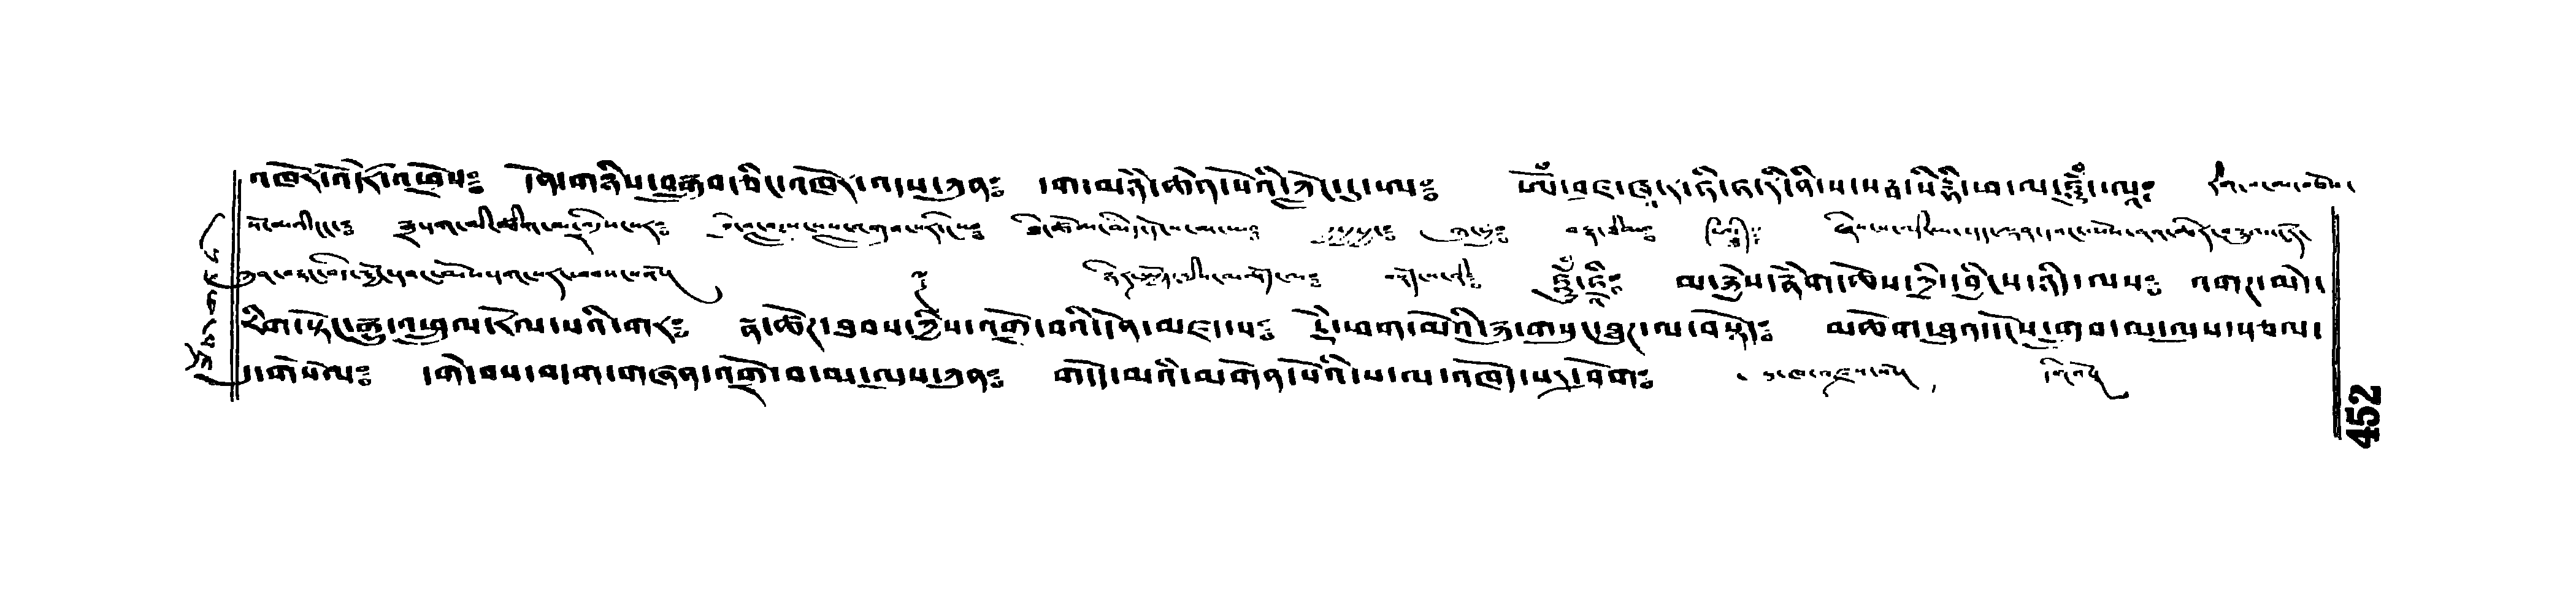འཁོར་འོད་ཟེར་འཕྲོས༔ དོན་གཉིས་བསྒྲུབ་ཅིང་འཁོར་འདས་ཀུན༔ དག་མཉམ་ཆེན་པོའི་ཀློང་དུ་ཨཱཿ ཨོཾ་བཛྲ་ཝཱ་ར་ཧི་ཧ་རི་ནི་ས་སརྦ་སིདྡྷི་ཕ་ལ་ཧཱུྃ་ཨཱཿ རིག་པ་མ་བཅོས་
སོ་མའི་ངང༔ སྒྲ་དག་མི་ཚིག་མ་འདྲེས་པར༔ བྱེ་བ་བཟླས་པས་འགྲུབ་པར་ངེས༔ ཐེ་ཚོམ་མེད་དོ་ས་མ་ཡ༔ རྒྱ་རྒྱ་རྒྱ༔ གུ་ཧྱཿ བརྡ་ཐིམ༔ ༔ ཞེས་པ་འདི་ཡང་དད་ལྡན་དབང་མོས་ནན་ཆེར་བསྐུལ་ངོར་
ཀུན་བཟང་བདེ་སྐྱོང་དབང་མོས་དག་པར་ཕབ་པའོ།། ༈ ཉེར་སྤྱོད་ཀྱིས་མཆོད་ལ༔ བསྟོད་པ་ནི༔ ཧཱུྃ་ཧྲཱིཿ མ་སྐྱེས་རྣམ་དག་ཆོས་ཀྱི་དབྱིངས་ཉིད་ལས༔ འགག་མེད་
རིག་སྟོང་སྒྱུ་འཕྲུལ་རོལ་པའི་གར༔ སྣ་ཚོགས་ཐབས་ཀྱིས་འགྲོ་བའི་དོན་མཛད་པ༔ རྡོ་རྗེ་ཕག་མོའི་སྐུ་གསུང་ཐུགས་ལ་བསྟོད༔ མཆོག་ཐུན་དངོས་གྲུབ་མ་ལུས་བསྩལ་
དུ་གསོལ༔ དགེ་བས་བདག་གཞན་འགྲོ་བ་མ་ལུས་ཀུན༔ གདོད་མའི་མགོན་པོའི་ས་ལ་འཁོར་པར་ཤོག༔ སུ་ཁ་བཛྲས་སོ།། དགེའོ།།